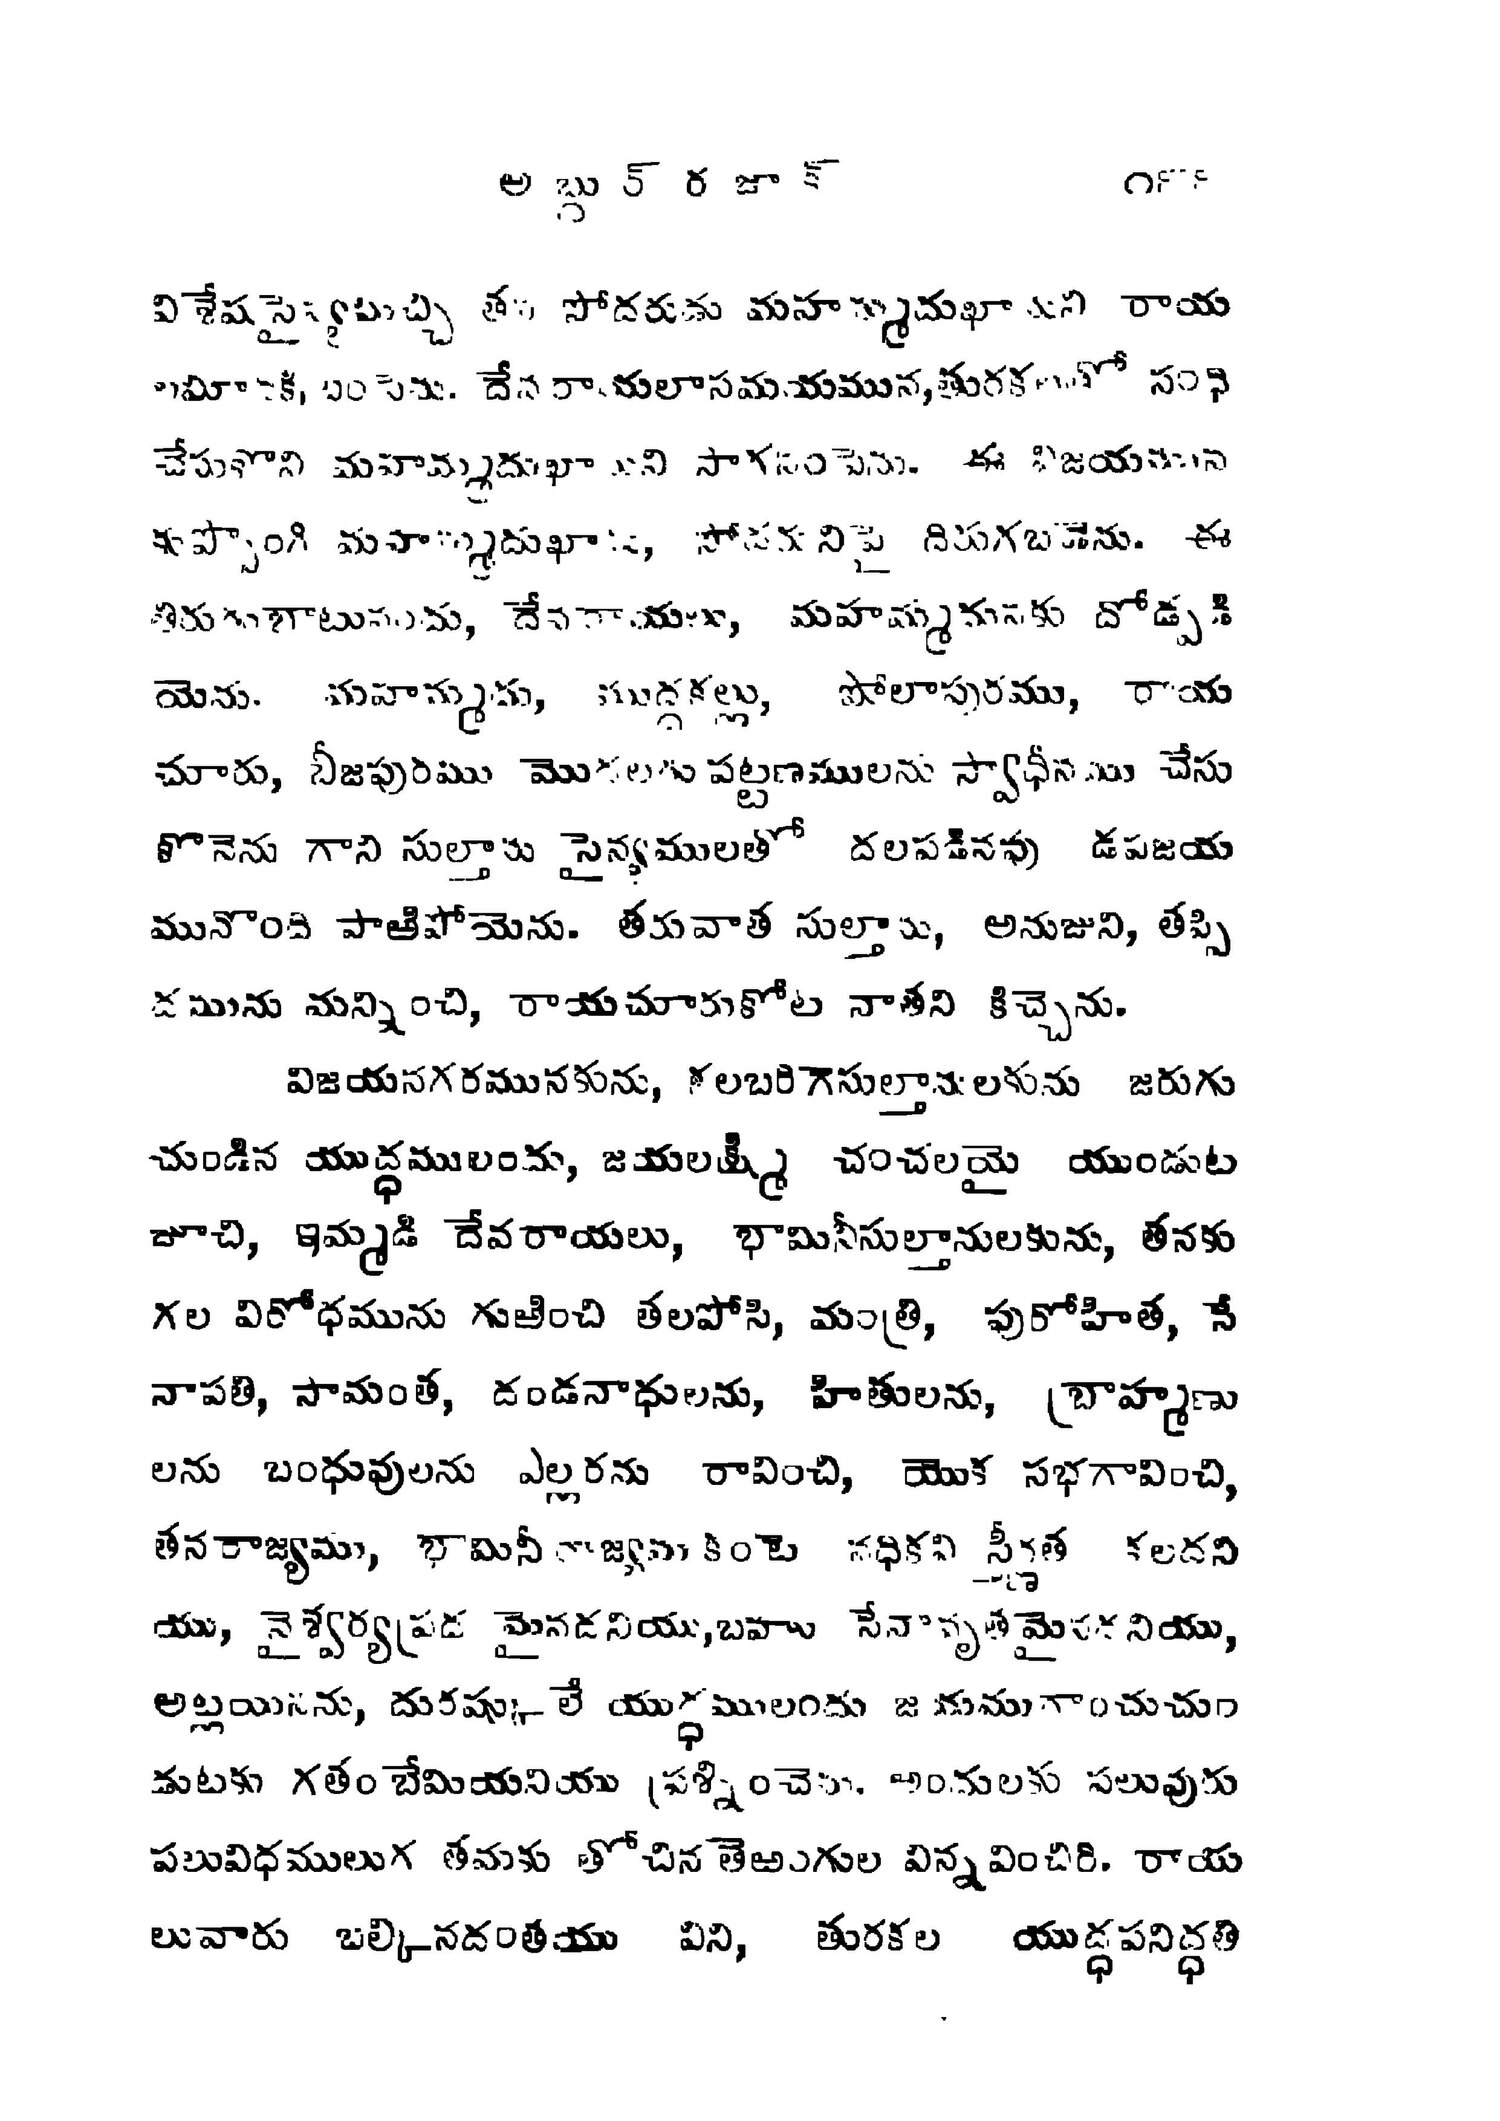విశేషసైన్యమిచ్చి తన సోదరుదు మహమ్మదుఖానుని రాయలమీదికి, బంపెను. దేవరాయలాసమయమున, తురకలతో సంధిచేసుకొని మహమ్మదుఖానుని సాగనంపెను. ఈ విజయమున కుప్పొంగి మహమ్మదుఖాను, సోదరునిపై దిరుగబడెను. ఈ తిరుగుబాటు నందు, దేవరాయలు, మహమ్మదునకు దోడ్పడియెను. మహమ్మదు, ముద్దకల్లు, షోలాపురము, రాయచూరు, బీజపురము మొదలగు పట్టణములను స్వాధీనము చేసుకొనెను గాని సుల్తాను సైన్యములతో దలపడినపు డపజయమునొంది పాఱిపోయెను. తరువాత సుల్తాను, అనుజుని, తప్పిదమును మన్నించి, రాయచూరుకోట నాతని కిచ్చెను.

విజయనగరమునకును, కలబరిగె సుల్తానులకును జరుగుచుండిన యుద్ధములందు, జయలక్ష్మి చంచలయై యుండుటజూచి, ఇమ్మడి దేవరాయలు, భామినీసుల్తానులకును, తనకు గల విరోధనమును గుఱించి తలపోసి, మంత్రి, పురోహిత, సేనాపతి, సామంత, దండనాధులను, హితులను, బ్రాహ్మణులను బంధువులను ఎల్లరును రావించి, యొక సభగావించి, తనరాజ్యము, భామినీ రాజ్యముకంటె నధికవిస్తీర్ణత కలదనియు, నైశ్వర్యప్రద మైనదనియు, బహు సేనావృతమైనదనియు, అట్లయినను, దురష్కులే యుద్ధములందు జయముగాంచుచుండుటకు గతంబేమియనియు ప్రశ్నించెను. అందులకు పలువురు పలువిధములుగ తమకు తోచినతెఱంగుల విన్నవించిరి. రాయలువారు బల్కినదంతయు విని, తురకల యుద్ధపద్ధతిని